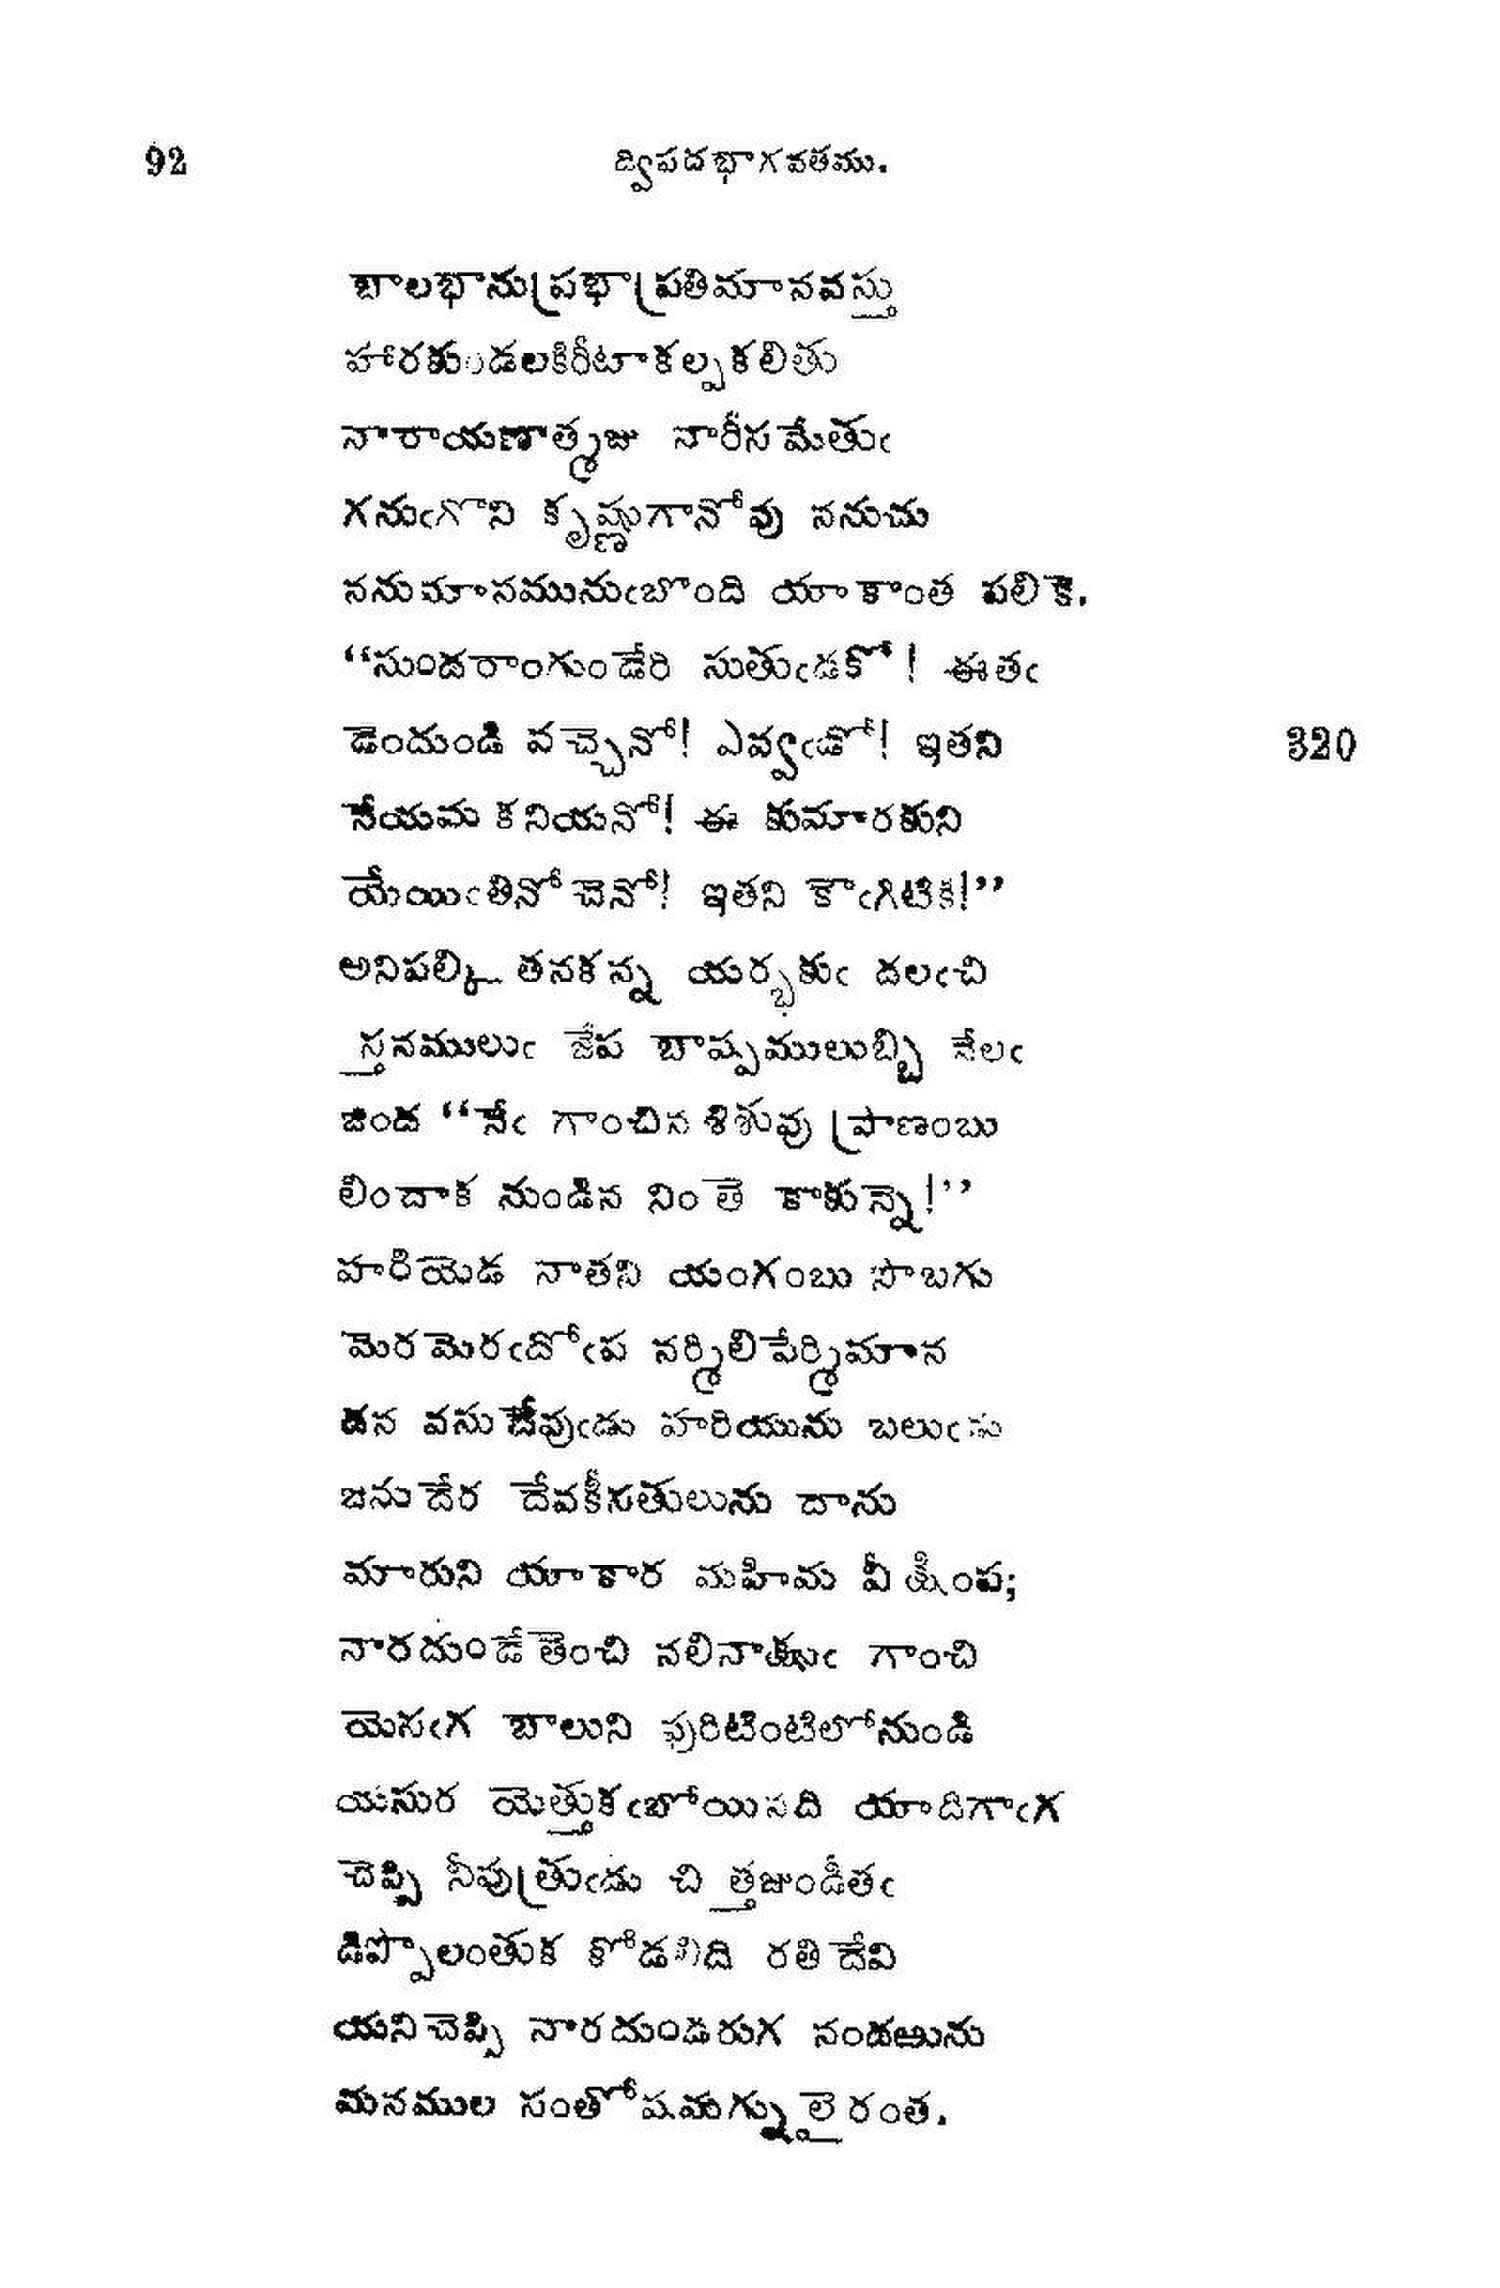బాలభానుప్రభాప్రతిమానవస్తు
హారకుండలకిరీటాకల్పకలితు
నారాయణాత్మజు నారీసమేతుఁ
గనుఁగొని కృష్ణుగానోపు ననుచు
ననుమానమును బొంది యా కాంత పలికె.
“సుందరాంగుండేరి సుతుఁడకో! ఈ తం
డెందుండి వచ్చెనో! ఎవ్వడో! ఇతని
నేయమ కనియనో! ఈ కుమారకుని
యేయింతినోచెనో! ఇతని కౌఁగిటికి!”
అనిపల్కి తనకన్న యర్భకుఁ దలఁచి
స్తనములుఁ జేప బాష్పములుబ్బి నేలఁ
జింద "నేఁ గాంచిన శిశువు ప్రాణంబు
లిందాక నుండిన నింతె కాకున్నె!”
హరియెడ నాతని యంగంబు సొబగు
మెరమెరఁదోఁప నర్మిలిపేర్మిమాన
దన వసుదేవుఁడు హరియును బలుఁడు
జనుదేర దేవకీసతులును దాను
మారుని యాకార మహిమ వీక్షింప;
నారదుండేతెంచి నలినాక్షుఁ గాంచి
యెసఁగ బాలుని పురిటింటిలోనుండి
యసుర యెత్తుకఁబోయినది యాదిగాఁగ
చెప్పి నీపుత్రుఁడు చిత్తజుండీతఁ
డిప్పొలంతుక కోడలిది రతిదేవి
యని చెప్పి నారదుండరుగ నందఱును
మనముల సంతోషమగ్నులైరంత.